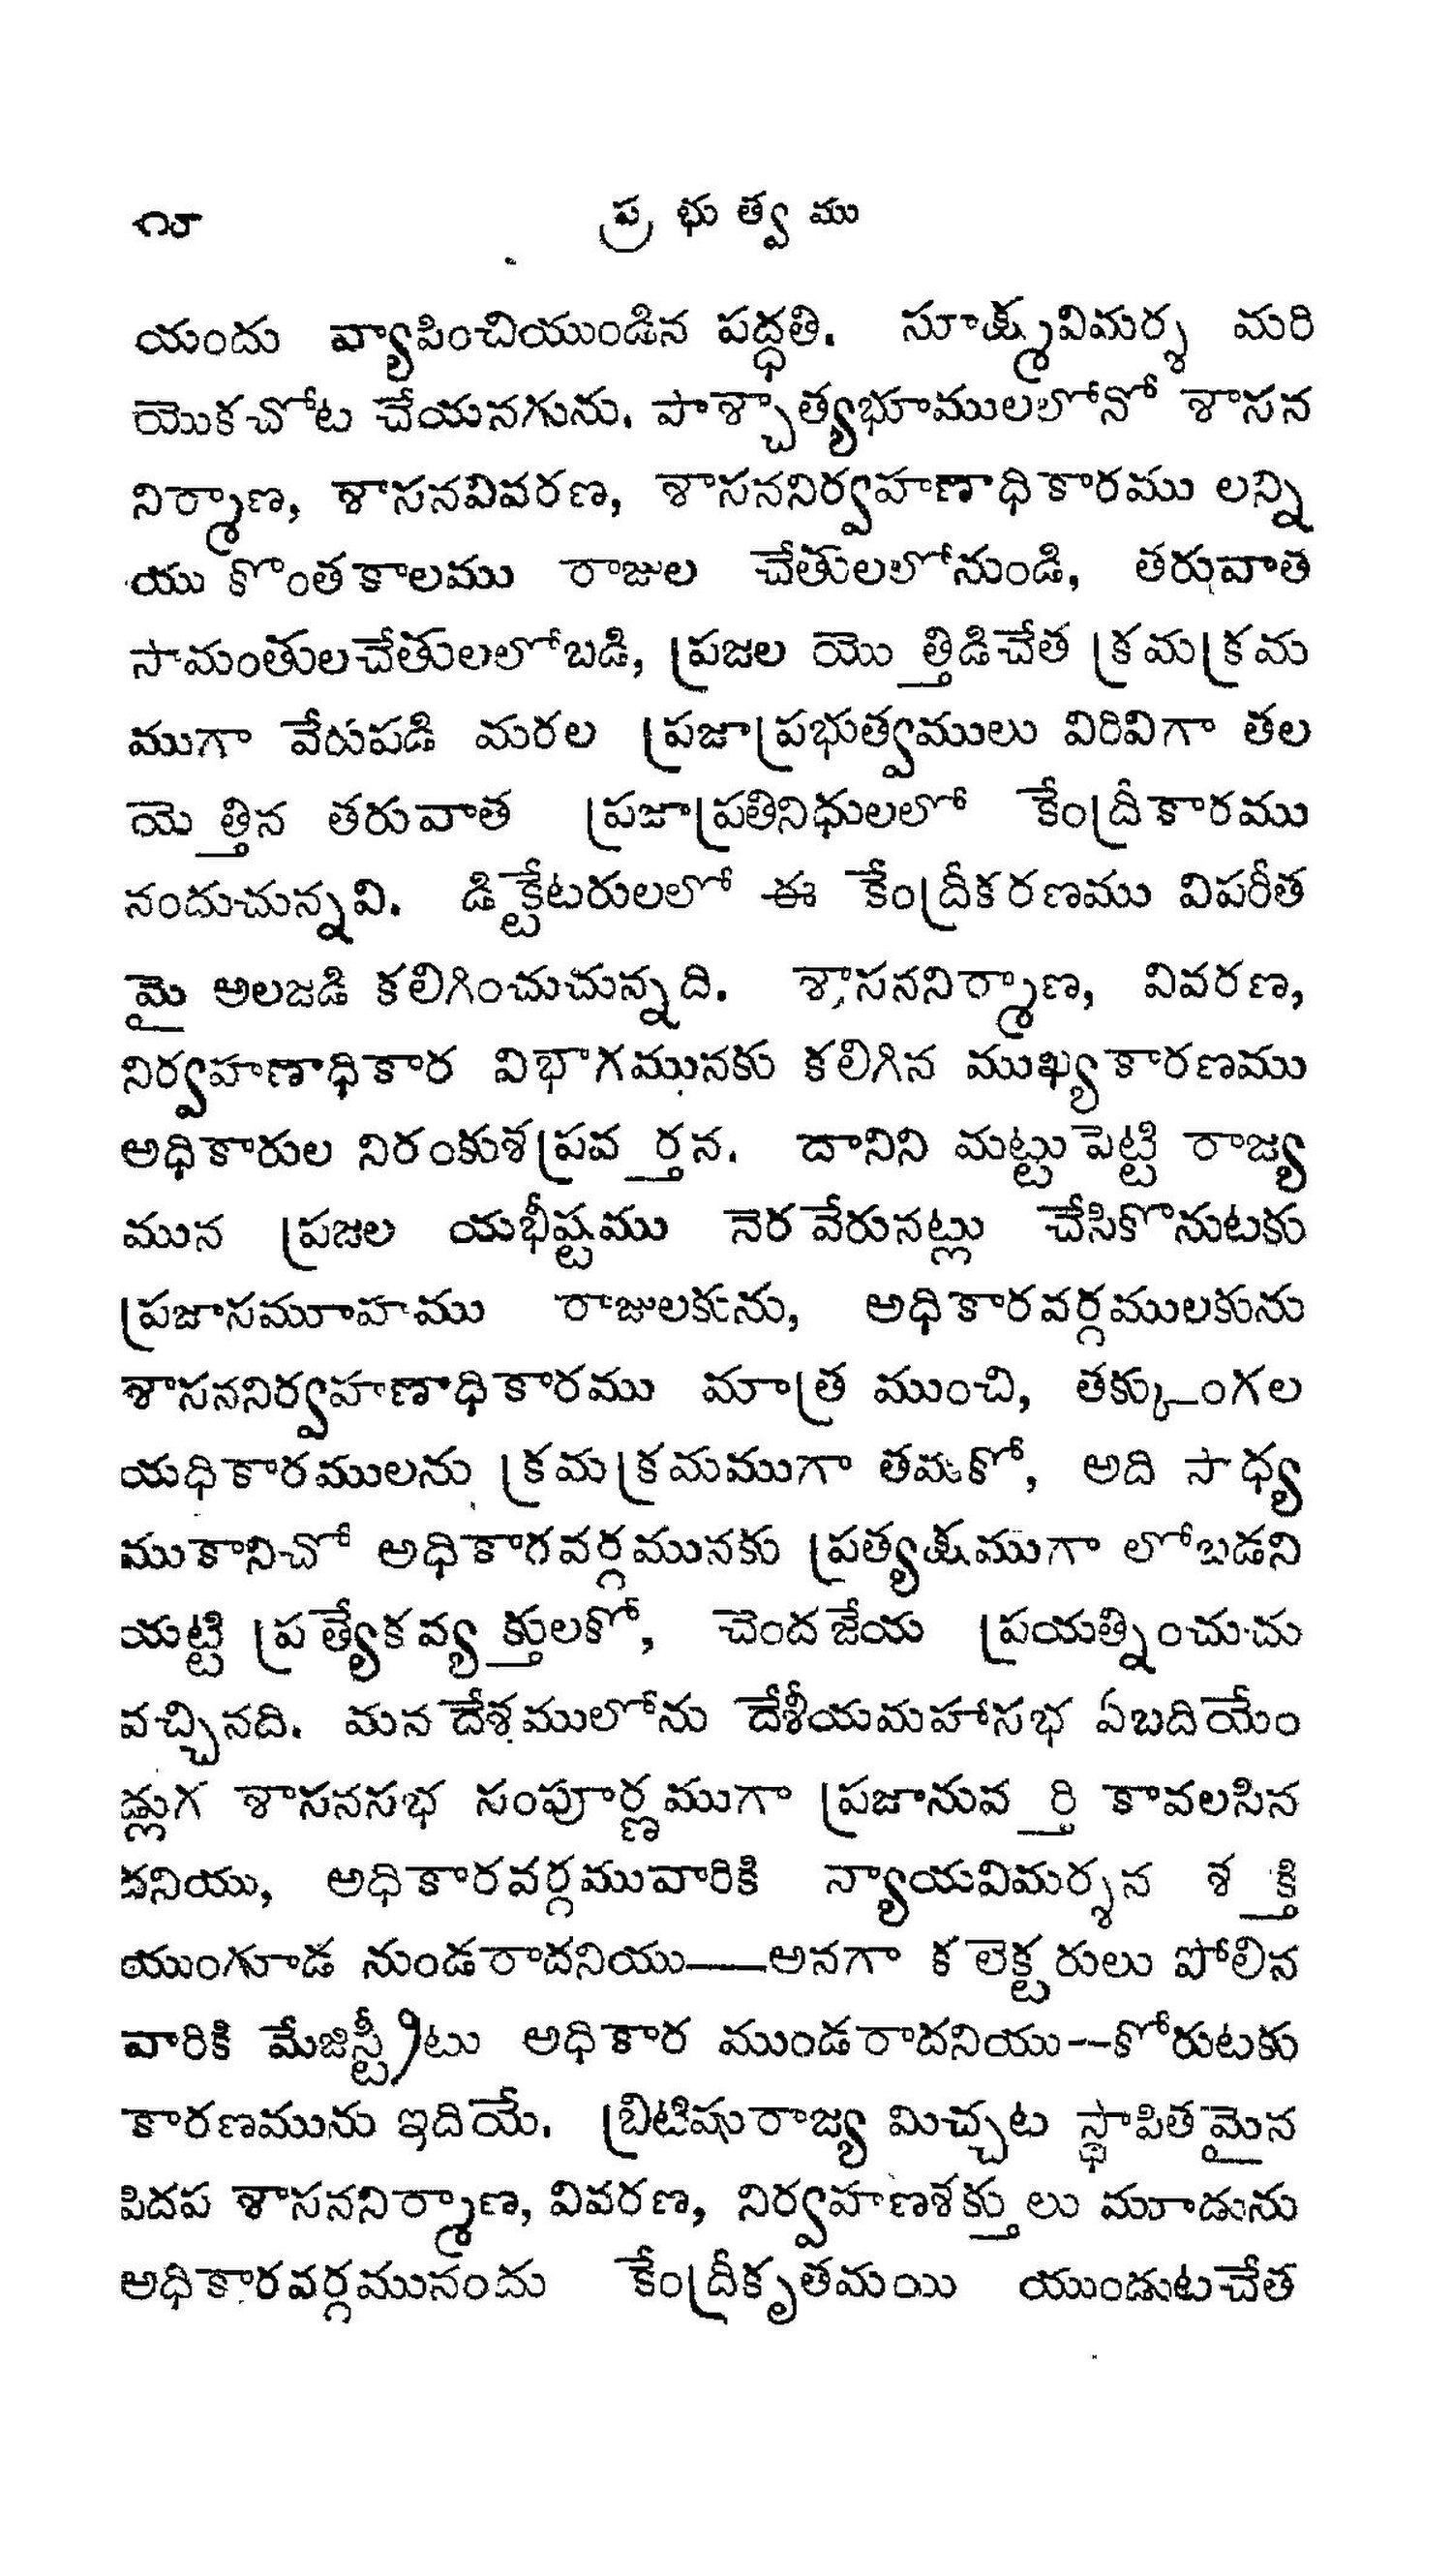యందు వ్యాపించియుండిన పద్ధతి. సూక్ష్మవిమర్శ మరియొకచోట చేయనగును. పాశ్చాత్య భూములలోనో శాసననిర్మాణ, శాసనవివరణ, శాసననిర్వహణాధికారము లన్నియు కొంతకాలము రాజుల చేతులలోనుండి, తరువాత సామంతుల చేతులలోబడి, ప్రజల యొత్తిడిచేత క్రమక్రమముగా వేరుపడి మరల ప్రజాప్రభుత్వములు విరివిగా తలయెత్తిన తరువాత ప్రజాప్రతినిధులలో కేంద్రీకారము
నందుచున్నవి. డిక్టేటరులలో ఈ కేంద్రీకరణము విపరీతమై అలజడి కలిగించుచున్నది. శాసననిర్మాణ, వివరణ, నిర్వహణాధికార విభాగమునకు కలిగిన ముఖ్యకారణము అధికారుల నిరంకుశప్రవర్తన. దానిని మట్టుపెట్టి రాజ్యమున ప్రజల యభీష్టము నెరవేరునట్లు చేసికొనుటకు ప్రజాసమూహము రాజులకును, అధికారవర్గములకును శాసననిర్వహణాధికారము మాత్ర ముంచి, తక్కుంగల
యధికారములను క్రమక్రమముగా తమకో, అది సాధ్యముకానిచో అధికారవర్గమునకు ప్రత్యక్షముగా లోబడని యట్టి ప్రత్యేకవ్యక్తులకో, చెందజేయ ప్రయత్నించుచు వచ్చినది. మన దేశములోను దేశీయమహాసభ ఏబదియేండ్లుగ శాసనసభ సంపూర్ణముగా ప్రజానువర్తి కావలసినదనియు, అధికారవర్గమువారికి న్యాయవిమర్శన శక్తియుంగూడ నుండరాదనియు - అనగా కలెక్టరులు పోలిన
వారికి మేజిస్ట్రీటు అధికార ముండరాదనియు--కోరుటకు కారణమును ఇదియే. బ్రిటిషురాజ్య మిచ్చట స్థాపితమైన పిదప శాసననిర్మాణ, వివరణ, నిర్వహణశక్తులు మూడును అధికారవర్గమునందు కేంద్రీకృతమయి యుండుటచేత